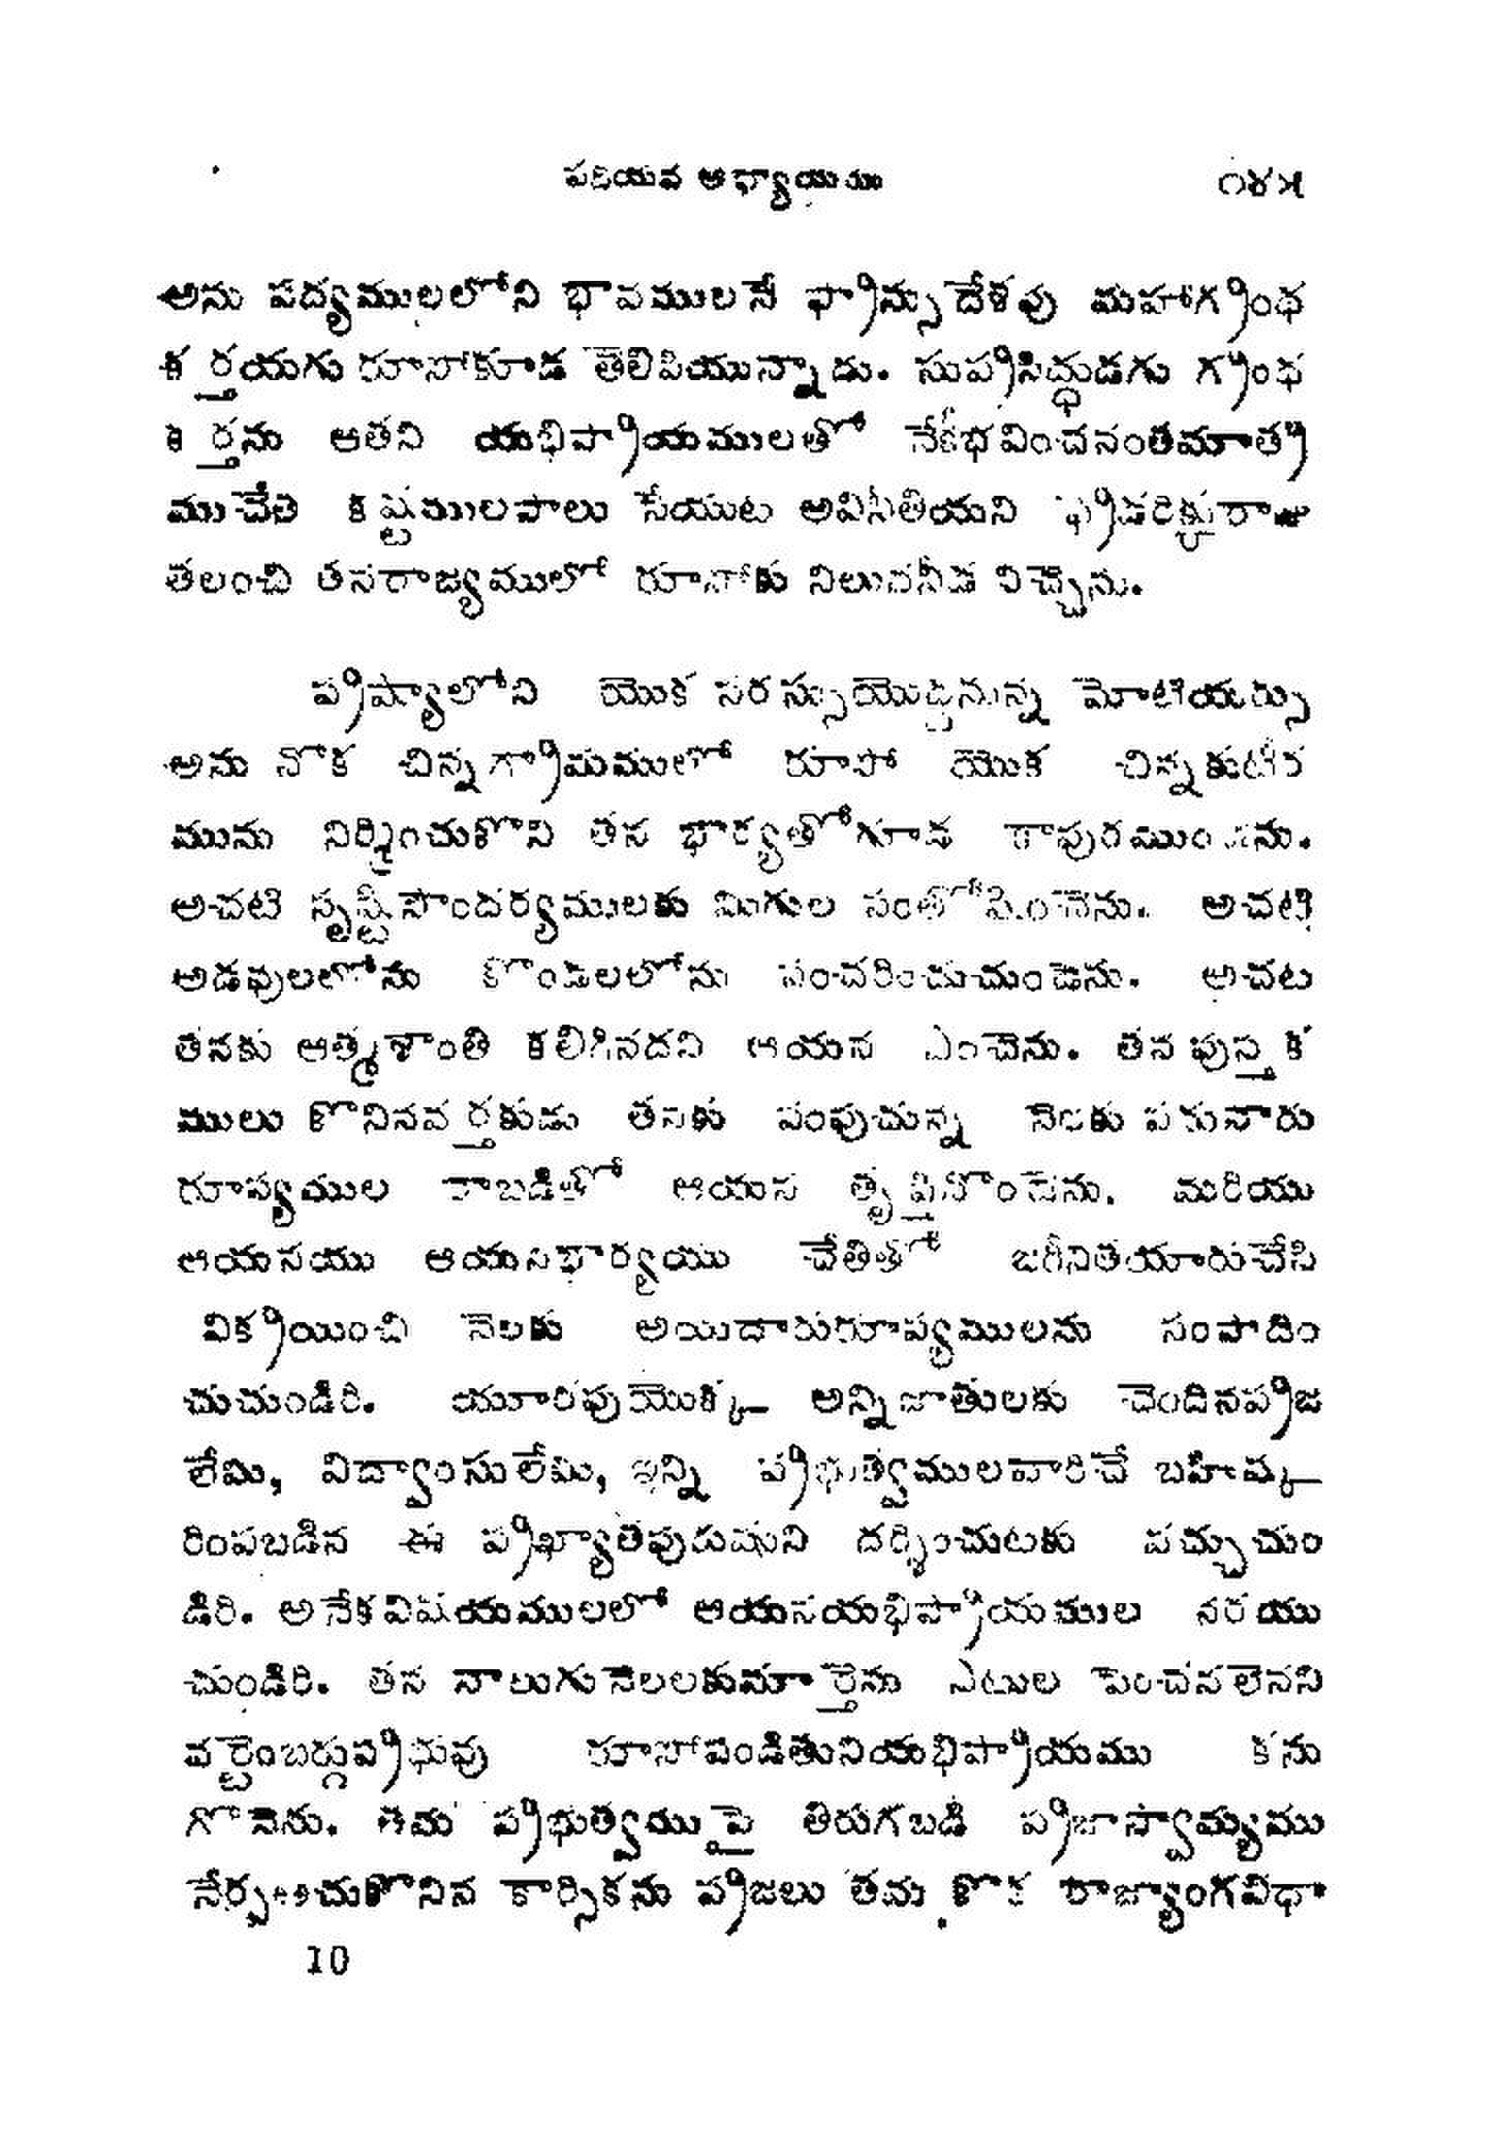అను పద్యములలోని భావములనే ఫ్రాన్సు దేశవు మహా గ్రంథ
కర్తయగు రూసో కూడ తెలిపియున్నాడు. సుప్రసిద్ధుడగు గంధ
కర్తను అతని యభిప్రాయములతో నేకభవించ నంతమాత్ర
ముచేత కష్టములపాలు సేయుట అవి నీతీయని ఫ్రెడరిక్కు రాజు
తలంచి తన రాజ్యములో రూసో కు నిలువనీడ నిచ్చెను.
ప్రష్యాలోని యొక సరస్సుయొడ్డనున్న 'మోటియర్సు
అను నొక చిన్న గ్రామములో రూసో యొక చిన్న కుటీ
మును నిర్మించుకొని తన భార్యతోగూడ కాపురముండెను.
అచటి సృష్టి సౌందర్యములకు మిగుల సంతసించు చుండెను. అచటి
అడవులలోను కొండలలోను సంచరించుచుండెను,
తనకు ఆత్మశాంతి కలిగినదని ఆయన ఎంచెను. తన
పుస్తకములు కొనిన వర్తకుడు తనకు పంపుచున్న నెలకు పదునారు
రూప్యముల రాబడితో ఆయన తృప్తి నొందెను. మరియు
ఆయసము ఆయని భార్యయుచేతితో జగీని తయారుచేసి విక్రయించి నెలకు
అయిదారు రూప్యములను సంపాదించు
చుచుండిరి. యూరపు యొక్క అన్ని జాతులకు చెందిన ప్రజ
లేమి, విద్వాంసు లేమి, ఇన్ని ప్రభుత్యముల వారి చే బహిష్క
రింపబడిన ఈ ప్రఖ్యాతపురుషుని దర్శించుటకు పచ్చుచుం
డిరి. అనేక విషయములలో ఆయన యభిప్రాయముల నరయు
చుండిరి. తన నాలుగు నెలల కుమార్తెను ఎటుల పెంచవలె నని
వర్టెంబర్గు ప్రభువు రూసోపండితుని యభిప్రాయము కను
గొనెను. నేమ ప్రభుత్వము పై తిరుగబడి ప్రజాస్వామ్యము
నేర్పచు కొనిన కార్సికను ప్రజలు తమకొక రాజ్యంగవిధా